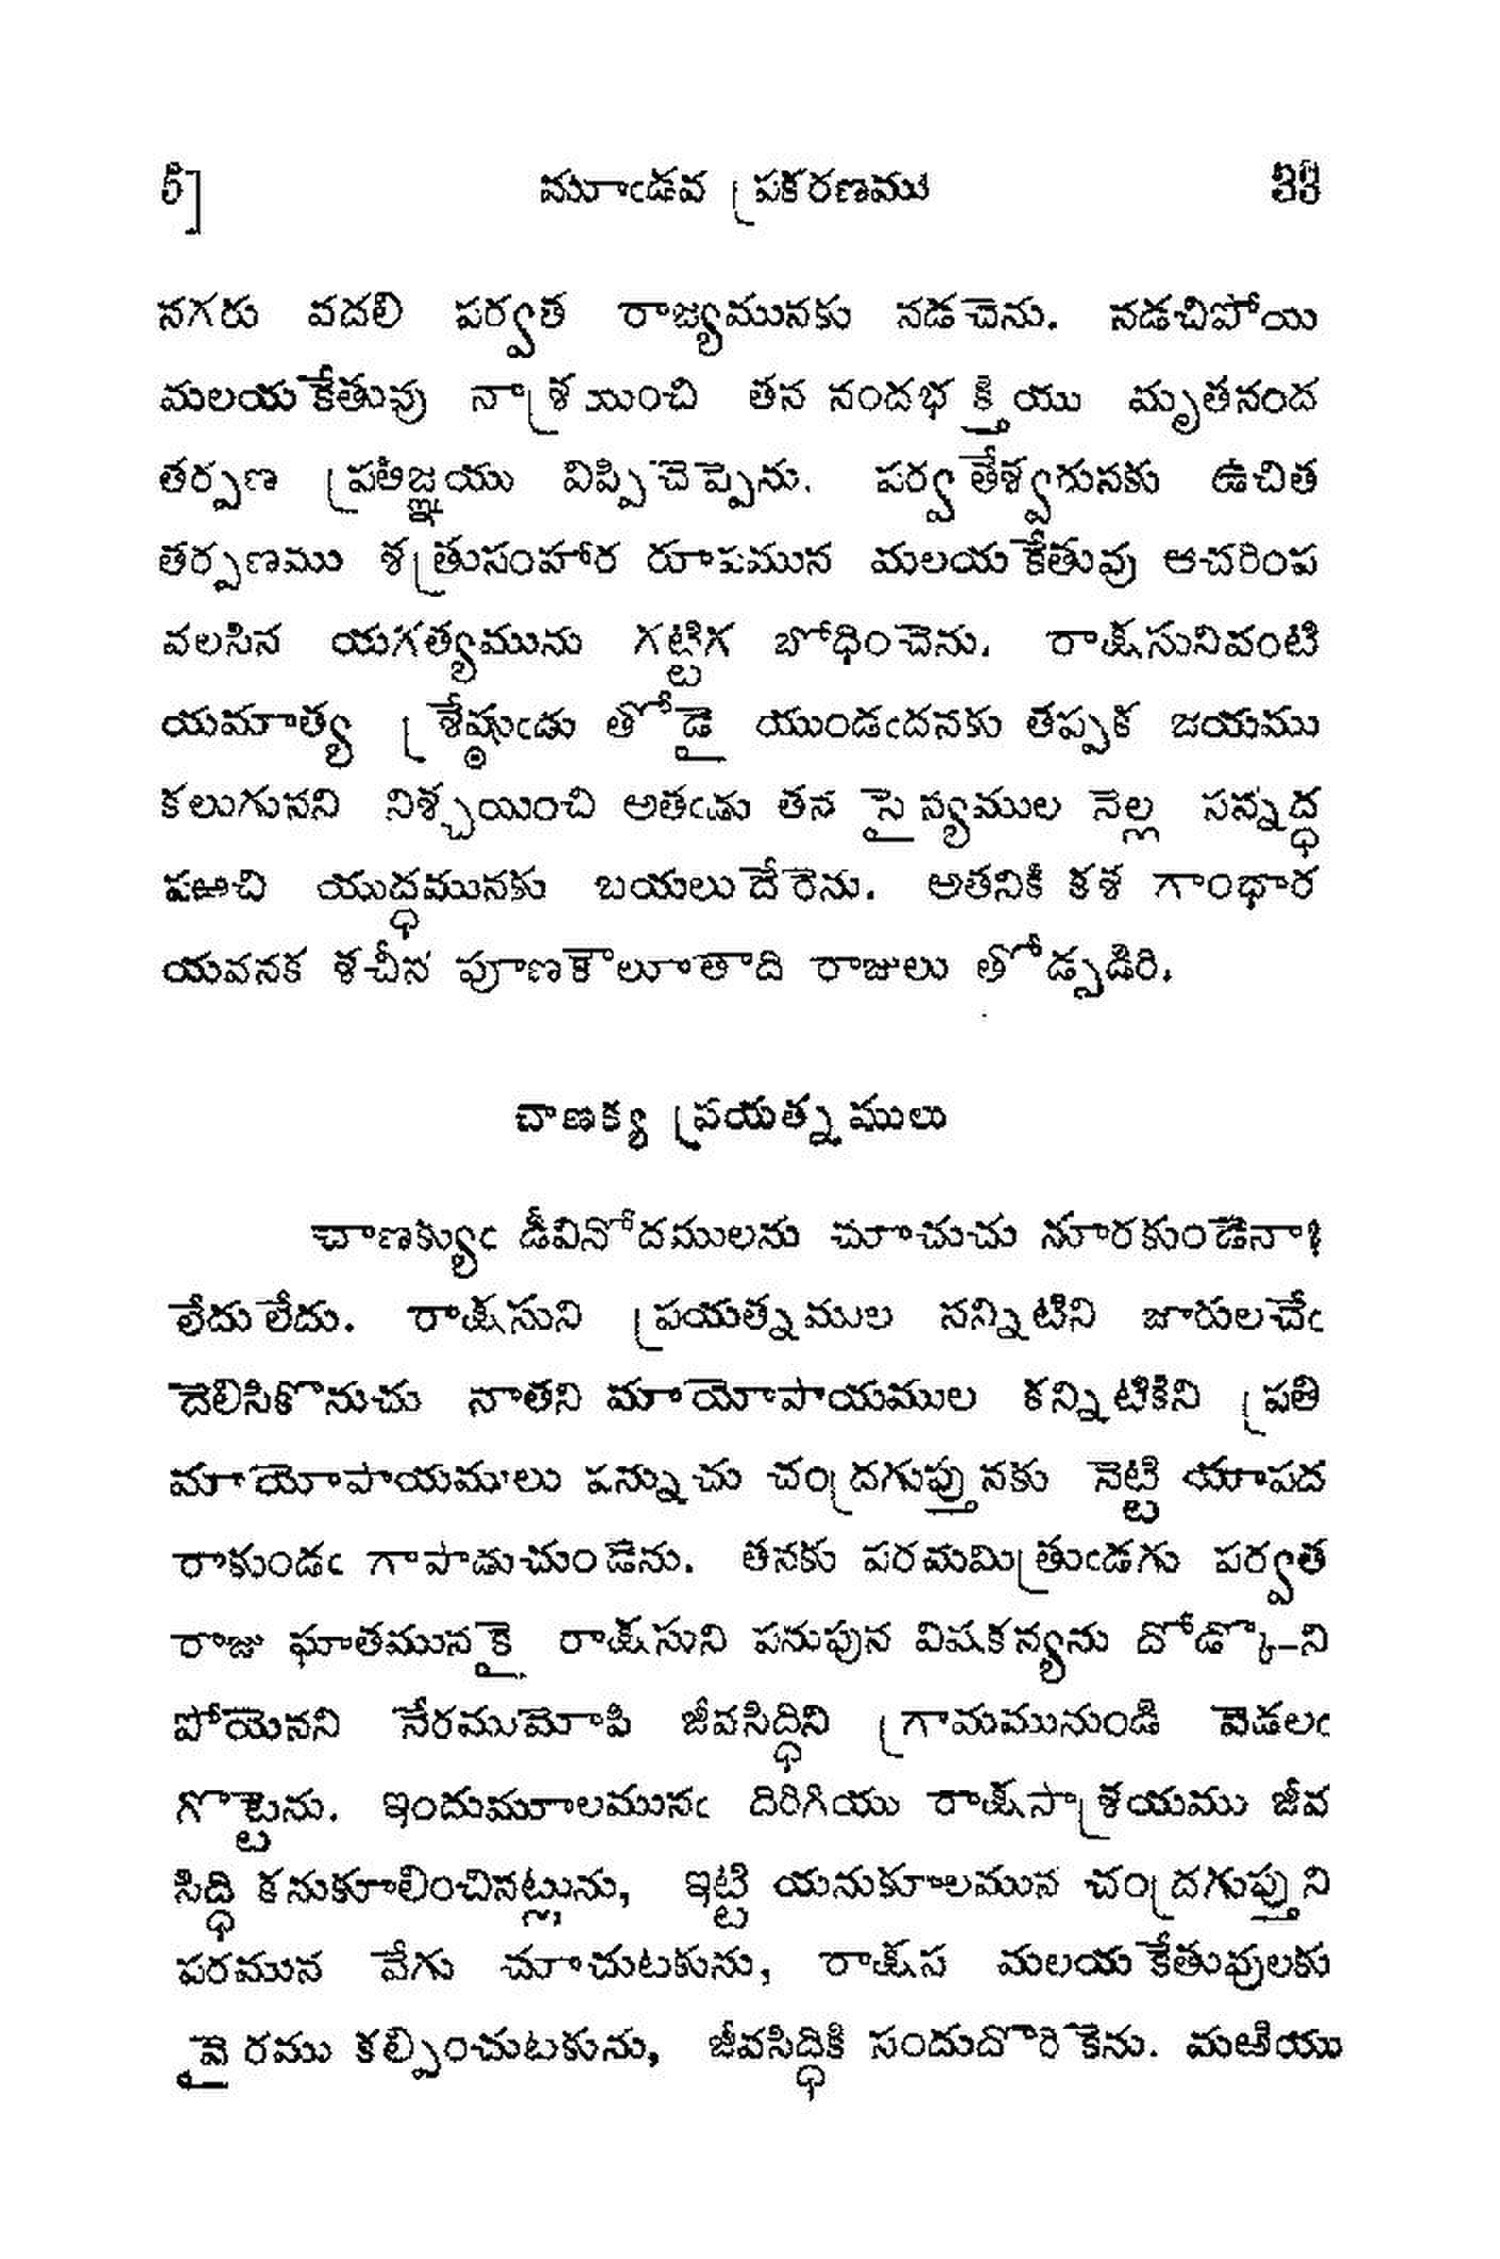నగరు వదలి పర్వత రాజ్యమునకు నడచెను. నడచిపోయి మలయకేతువు నాశ్రయించి తన నందభక్తియు మృతనంద తర్పణ ప్రతిజ్ఞయు విప్పి చెప్పెను. పర్వతేశ్వరునకు ఉచిత తర్పణము శత్రుసంహార రూపమున మలయకేతువు ఆచరింప వలసిన యగత్యమును గట్టిగ బోధించెను. రాక్షసునివంటి యమాత్య శ్రేష్ఠుఁడు తోడై యుండఁదనకు తప్పక జయము కలుగునని నిశ్చయించి అతఁడు తన సైన్యముల నెల్ల సన్నద్ధ పఱచి యుద్ధమునకు బయలుదేరెను. అతనికి కశ గాంధార యవనక శచీన పూణకౌలూతాది రాజులు తోడ్పడిరి.

చాణక్య ప్రయత్నములు 

చాణక్యుఁ డీవినోదములను చూచుచు నూరకుండెనా? లేదు లేదు. రాక్షసుని ప్రయత్నముల నన్నిటిని జారులచేఁ దెలిసికొనుచు నాతని మాయోపాయముల కన్నిటికిని ప్రతి మాయోపాయములు పన్నుచు చంద్రగుప్తునకు నెట్టి యాపద రాకుండఁ గాపాడుచుండెను. తనకు పరమమిత్రుఁడగు పర్వతరాజు ఘాతమునకై రాక్షసుని పనుపున విషకన్యను దోడ్కొని పోయెనని నేరము మోపి జీవసిద్ధిని గ్రామమునుండి వెడలఁ గొటైను. ఇందుమూలమునఁ దిరిగియు రాక్షసా శ్రయము జీవసిద్ధి కనుకూలించినట్లును, ఇట్టి యనుకూలమున చంద్రగుప్తుని పరమున వేగు చూచుటకును, రాక్షస మలయ కేతువులకు వైరము కల్పించుటకును, జీవసిద్దికి సందుదొరికెను. మఱియు